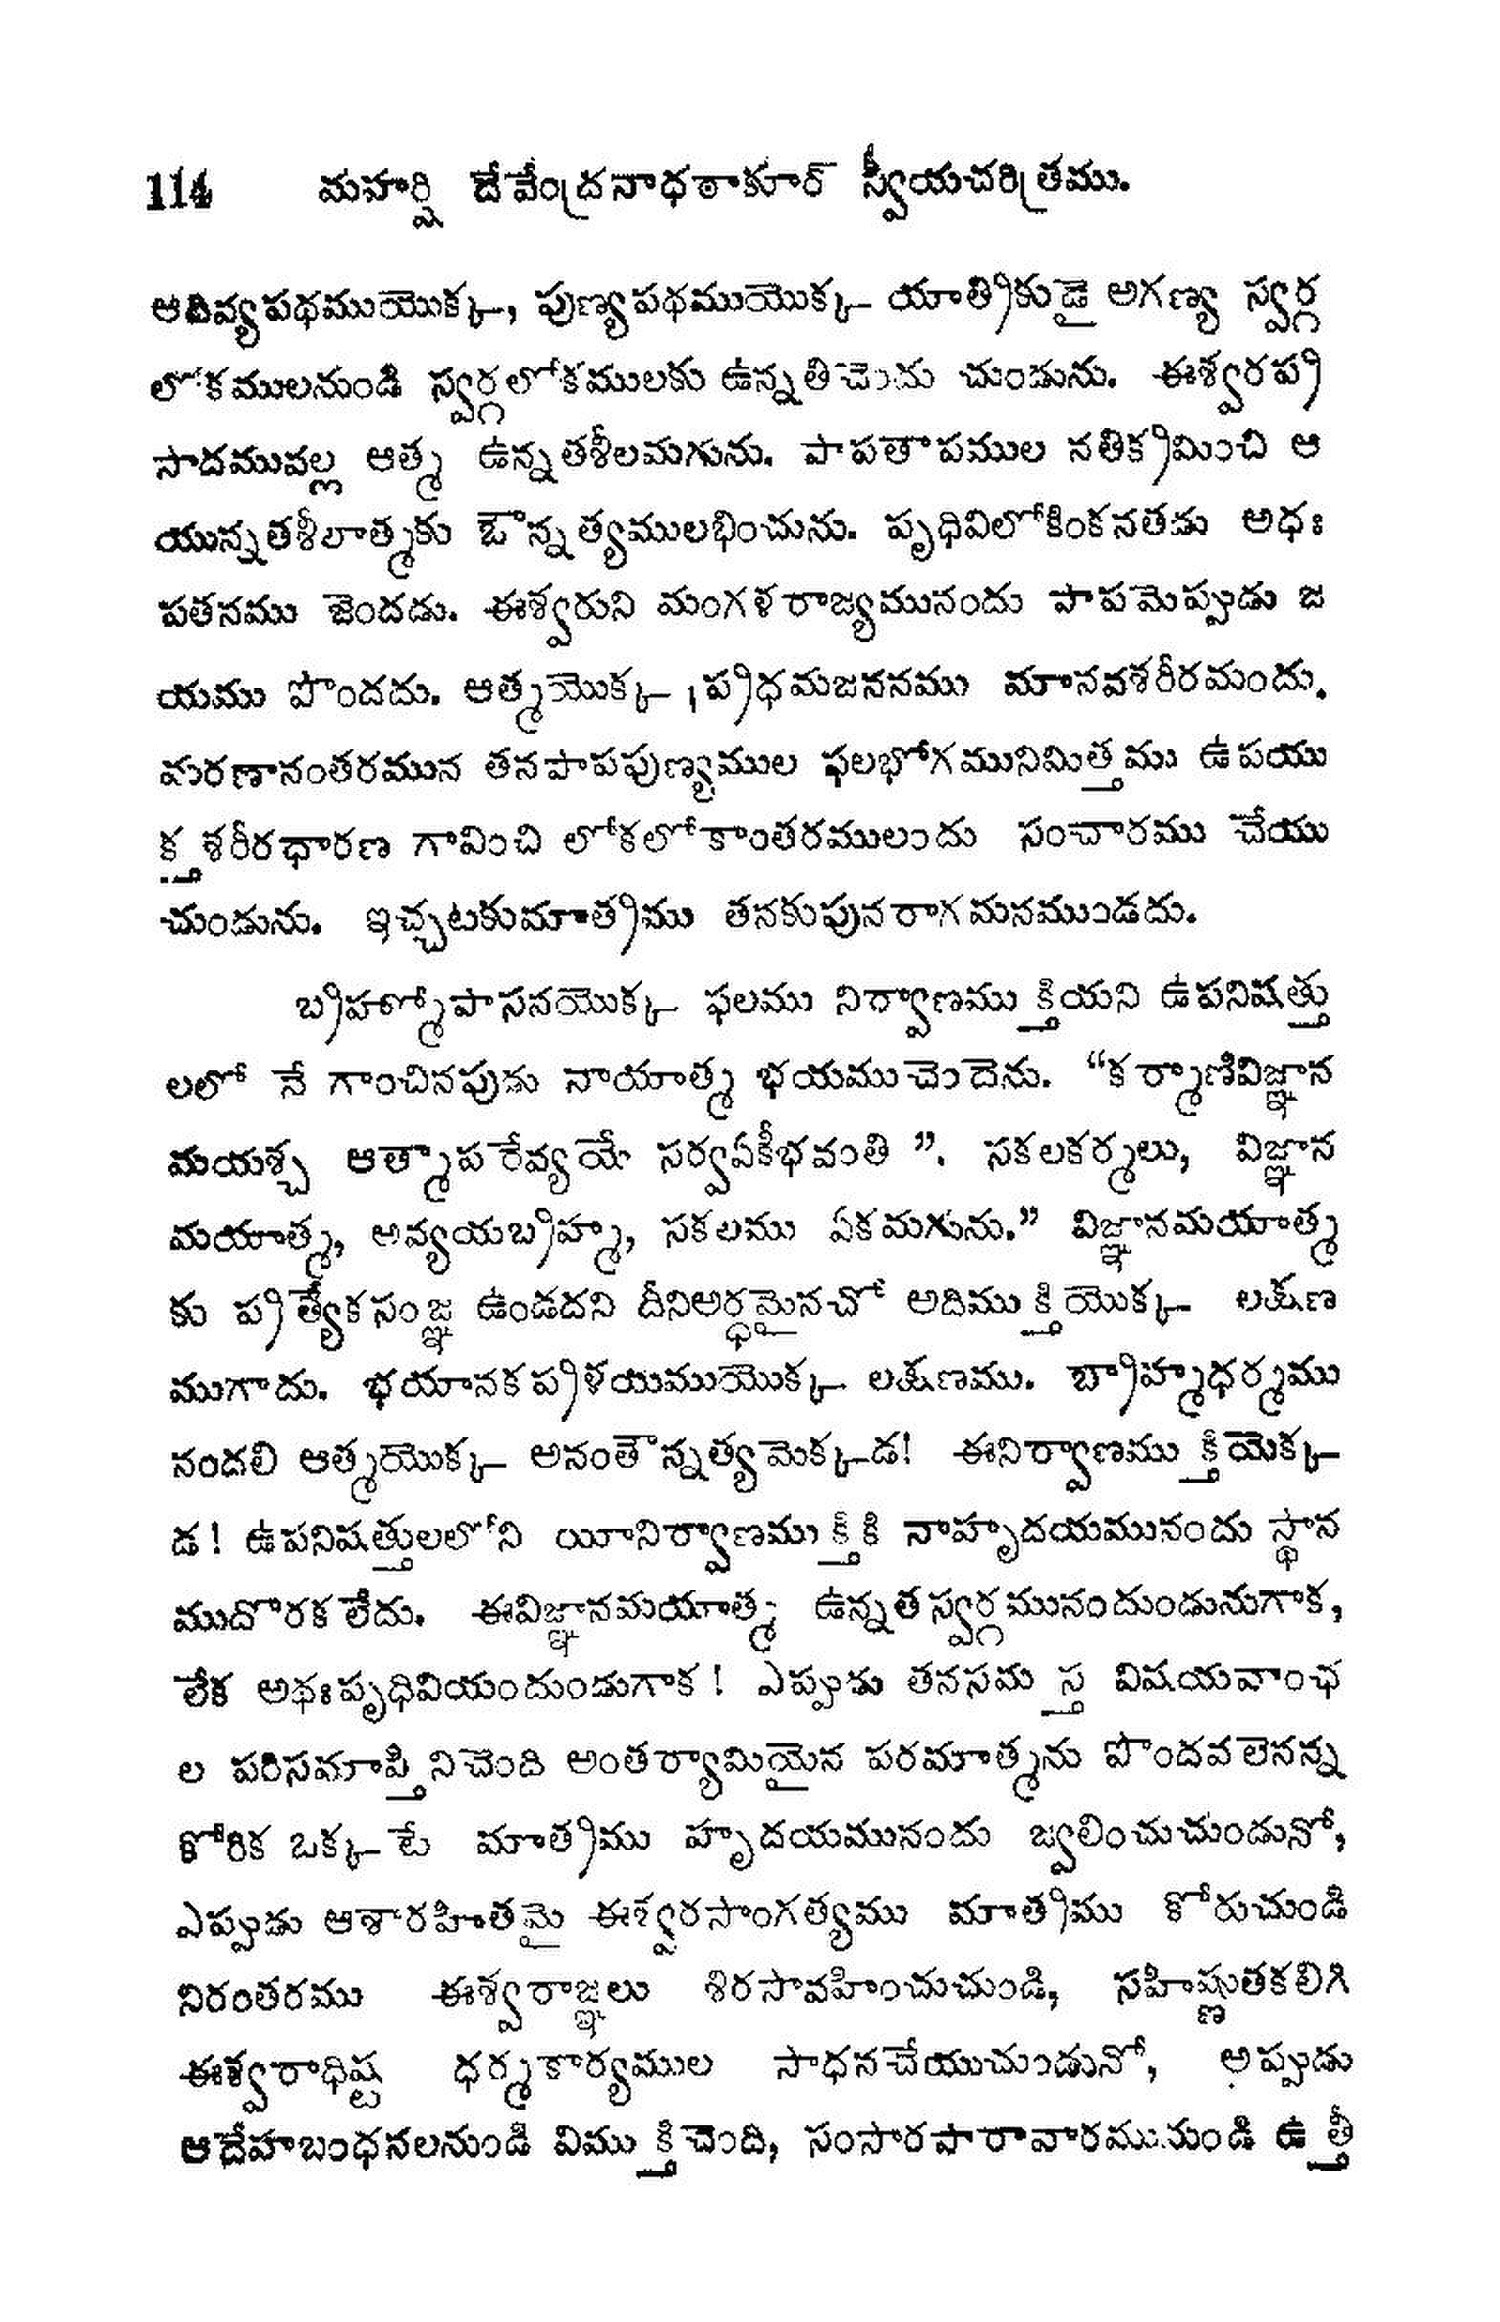ఆదివ్య పథము యొక్క , పుణ్య పథముయొక్క, యాత్రికుడై అగణ్య స్వర్గ
లోకములనుండి స్వర్గలోకములకు ఉన్నతి చెందు చుండును. ఈశ్వర
ప్రసాదమువల్ల ఆత్మ ఉన్నతశీలమగును. పాపతాపముల నతిక్రమించి
యున్నత శీలాత్మకు ఔన్నత్యము లభించును. పృధివిలోకింక నతకు 
అధఃపతనము జెందడు. ఈశ్వరుని మంగళ రాజ్యము నందు పాపమెప్పుడు 
జయము పొందదు. ఆత్మ యొక్క ప్రధమ జననము మానవ శరీరమందు.
మరణానంతరమున తన పాపపుణ్యముల ఫలభోగము నిమిత్తము 
ఉపయుక్త శరీరధారణ గావించి లోకలోకాంతరములందు సంచారము చేయు
చుండును. ఇచ్చటకు మాత్రము తనకు పునరాగమనముండదు.

భ్రహ్మోపాసన యొక్క ఫలము నిర్యాణముక్తియని ఉపనిషత్తులలోనే గాంచినపుడు నాయాత్మ భయము చెందెను. “కర్మాణి విజ్ఞానమయచ్చ ఆత్మాపరేవ్యయే 
సర్వఏకీ భవంతి ". సకలకర్మలు, విజ్ఞానమయాత్మ, అవ్యయబ్రహ్మ, సకలము ఏకమగును.”విజ్ఞానమయాత్మకు ప్రత్యేక సంజ్ఞ ఉండదని దీని అర్ధమైనచో 
అదిముక్తి యొక్క లక్షణముగాదు. భయానక ప్రళయము యొక్క లక్షణము 
బాహ్మధర్మము నందలి ఆత్మ యొక్క అనంతౌన్నత్య మెక్కడ! ఈనిర్వాణముక్తి 
యొక్కడ! ఉపనిషత్తులలోని యీనిర్వాణ ముక్తికి నాహృదయమునందు స్థానము
దొరక లేదు. ఈ విజ్ఞానమయాత్మ ఉన్నత స్వర్గముము నందుండును గాక,లేక 
అథః పృధివియందుండుగాక ! ఎప్పుడు తనసమస్త విషయవాంఛల పరిసమాప్తిని 
చెంది అంతర్యామియైన పరమాత్మను పొందవలెనన్నకోరిక ఒక్కటే మాత్రము హృదయమునందు జ్వలించుచుండునో,ఎప్పుడు ఆశారహితమై ఈశ్వర సాంగత్యము మాత్రము కోరుచుండి నిరంతరము ఈశ్వరాజ్ఞులు శిరసావహించుచుండి, సహిష్ణుత 
కలిగి ఈశ్వరాధిష్ట ధర్మకార్యముల సాధన చేయుచుండునో, అప్పుడు ఆదేహ
బంధనల నుండి విముక్తి చెంది, సంసార పారావారము.నుండి ఉత్తీ.